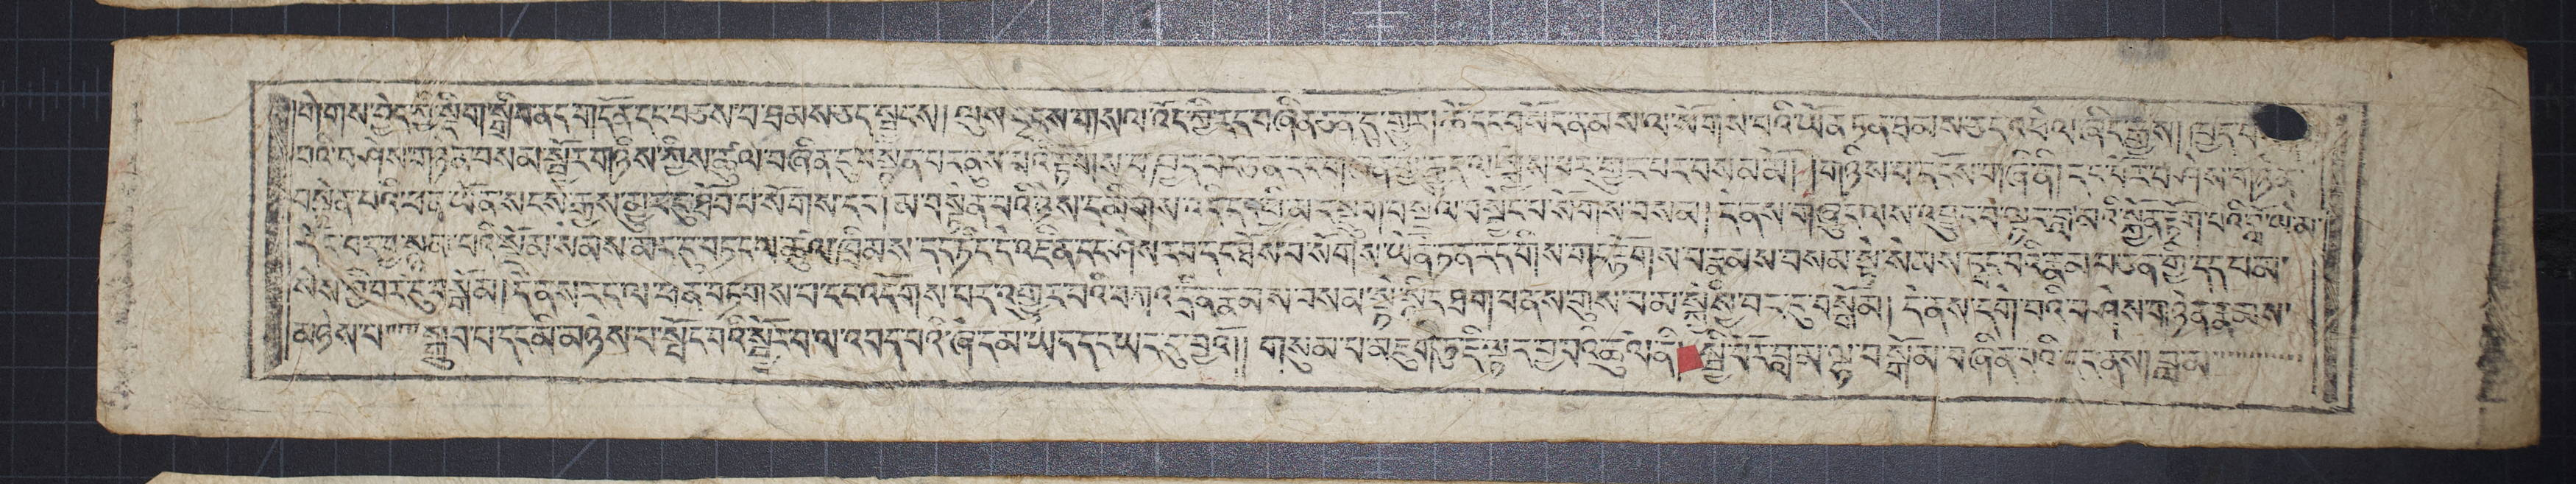གེགས་བྱེད་ཀྱི་སྡིག་སྒྲིབ་ནང་གདོན་དང་བཅས་པ་ཐམས་ཅད་སྦྱངས། ལུས་དྭངས་གསལ་འོད་ཀྱི་རང་བཞིན་ཅན་དུ་གྱུར། ཚེ་དང་བསོད་ནམས་ལ་སོགས་པའི་ཡོན་ཏན་ཐམས་ཅད་འཕེལ་ཞིང་རྒྱས། ཁྱད་པར་དགེ་
བའི་བཤེས་གཉེན་བསམ་སྦྱོར་གཉིས་ཀྱིས་ཚུལ་བཞིན་དུ་བསྟན་པར་ནུས་པའི་རྟོགས་པ་ཁྱད་པར་ཅན་རང་བཞན་གྱི་རྒྱུད་ལ་སྐྱེས་པར་གྱུར་པར་བསམ་མོ། །གཉིས་པ་དངོས་གཞི་ནི། དང་པོར་བཤེས་གཉེན་
བསྟན་པའི་ཕན་ཡོན་སངས་རྒྱས་མྱུར་དུ་ཐོབ་པ་སོགས་དང་། མ་བསྟེན་པའི་ཉེས་དམིགས་འདི་དང་ཕྱི་མར་སྡུག་བསྔལ་བསྐྱེད་པ་སོགས་བསམ། དེ་ནས་གཞུང་ལས་འབྱུང་བ་ལྟར་བླ་མའི་སྐྱོན་རྟོག་པའི་བློ་ཡ་མེ་
སྨོད་པར་བྱ་སྙམ་པའི་སྡོམ་སེམས་མང་དུ་བཏང་ལ་ཚུལ་ཁྲིམས་དང་ཏིང་ངེ་འཛིན་དང་ཤེས་རབ་དང་ཐོས་པ་སོགས་ཡོན་ཏན་རང་གིས་གང་རྟོགས་པ་རྣམས་བསམ་སྟེ་སེམས་དྭངས་བའི་རྣམ་པ་ཅན་གྱི་དད་པ་མ་
སྐྱེས་ཀྱི་བར་དུ་བསྒོམ། དེ་ནས་རང་ལ་ཕན་བཏགས་པ་དང་འདོགས་པར་འགྱུར་བའི་བཀའ་དྲིན་རྣམས་བསམ་སྟེ་སྙིང་ཐག་པ་ནས་གུས་པ་མ་སྐྱེ་སྐྱི་བར་དུ་བསྒོམ། དེ་ནས་དགེ་བའི་བཤེས་གཉེན་རྣམས་
མཉེས་པ་སྒྲུབ་པ་དང་མི་མཉེས་པ་སྤོང་བའི་སྦྱོར་བ་ལ་འབད་པའི་ཞེ་དམ་ཡང་དང་ཡང་དུ་བྱའོ། །གསུམ་པ་མཇུག་ཏུ་ཇི་ལྟར་བྱ་བའི་ཚུལ་ནི། སྤྱི་བོར་བླ་མ་ལྷ་བསྒོམ་བཞིན་པའི་ངང་ནས། བླ་མ་